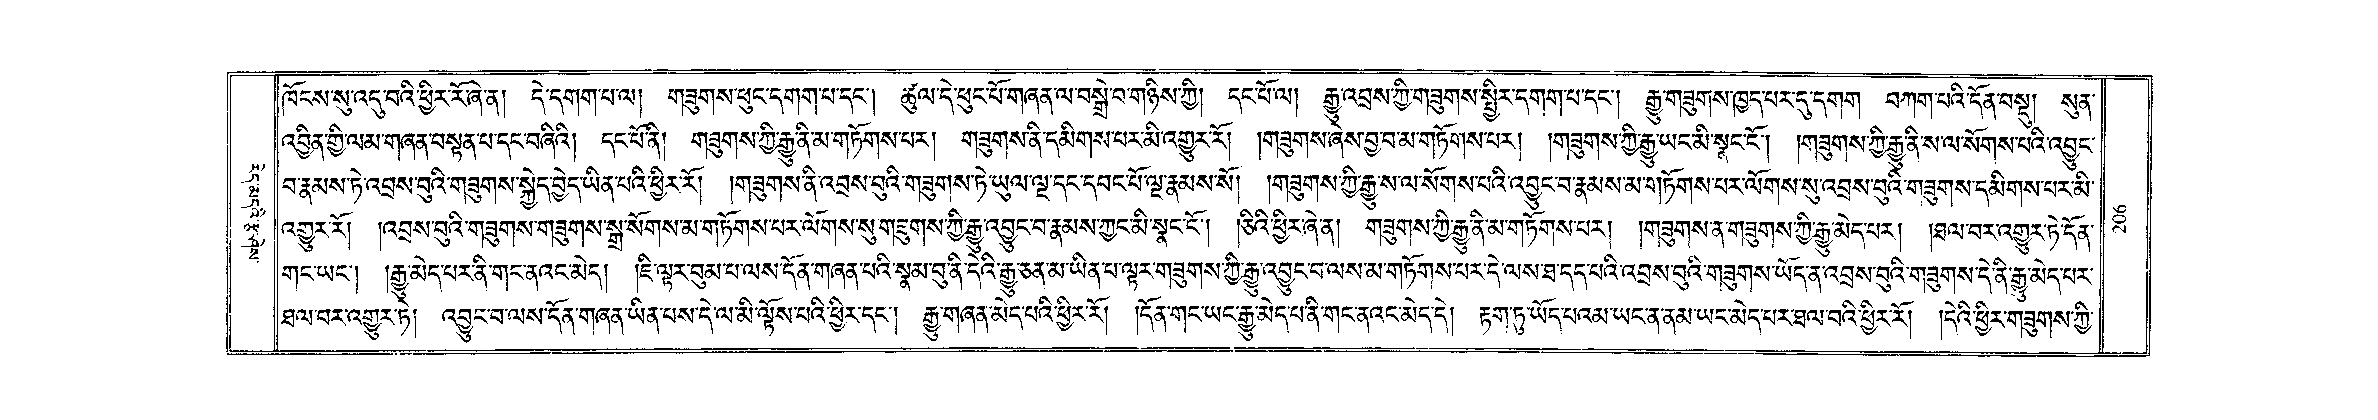ཁོངས་སུ་འདུ་བའི་ཕྱིར་རོ་ཞེ་ན། དེ་དགག་པ་ལ། གཟུགས་ཕུང་དགག་པ་དང་། ཚུལ་དེ་ཕུང་པོ་གཞན་ལ་བསྒྲེ་བ་གཉིས་ཀྱི། དང་པོ་ལ། རྒྱུ་འབྲས་ཀྱི་གཟུགས་སྤྱིར་དགག་པ་དང་། རྒྱུ་གཟུགས་ཁྱད་པར་དུ་དགག་བཀག་པའི་དོན་བསྡུ། སུན་
འབྱིན་གྱི་ལམ་གཞན་བསྟན་པ་དང་བཞིའི། དང་པོ་ནི། གཟུགས་ཀྱི་རྒྱུ་ནི་མ་གཏོགས་པར། གཟུགས་ནི་དམིགས་པར་མི་འགྱུར་རོ། །གཟུགས་ཞེས་བྱ་བ་མ་གཏོགས་པར། །གཟུགས་ཀྱི་རྒྱུ་ཡང་མི་སྣང་ངོ། །གཟུགས་ཀྱི་རྒྱུ་ནི་ས་ལ་སོགས་པའི་འབྱུང་
བ་རྣམས་ཏེ་འབྲས་བུའི་གཟུགས་སྐྱེད་བྱེད་ཡིན་པའི་ཕྱིར་རོ། །གཟུགས་ནི་འབྲས་བུའི་གཟུགས་ཏེ་ཡུལ་ལྔ་དང་དབང་པོ་ལྔ་རྣམས་སོ། །གཟུགས་ཀྱི་རྒྱུ་ས་ལ་སོགས་པའི་འབྱུང་བ་རྣམས་མ་གཏོགས་པར་ལོགས་སུ་འབྲས་བུའི་གཟུགས་དམིགས་པར་མི་
འགྱུར་རོ། །འབྲས་བུའི་གཟུགས་གཟུགས་སྒྲ་སོགས་མ་གཏོགས་པར་ལོགས་སུ་གཟུགས་ཀྱི་རྒྱུ་འབྱུང་བ་རྣམས་ཀྱང་མི་སྣང་ངོ། །ཅིའི་ཕྱིར་ཞེ་ན། གཟུགས་ཀྱི་རྒྱུ་ནི་མ་གཏོགས་པར། །གཟུགས་ན་གཟུགས་ཀྱི་རྒྱུ་མེད་པར། །ཐལ་བར་འགྱུར་ཏེ་དོན་
གང་ཡང་། །རྒྱུ་མེད་པར་ནི་གང་ནའང་མེད། །ཇི་ལྟར་བུམ་པ་ལས་དོན་གཞན་པའི་སྣམ་བུ་ནི་དེའི་རྒྱུ་ཅན་མ་ཡིན་པ་ལྟར་གཟུགས་ཀྱི་རྒྱུ་འབྱུང་བ་ལས་མ་གཏོགས་པར་དེ་ལས་ཐ་དད་པའི་འབྲས་བུའི་གཟུགས་ཡོད་ན་འབྲས་བུའི་གཟུགས་དེ་ནི་རྒྱུ་མེད་པར་
ཐལ་བར་འགྱུར་ཏེ། འབྱུང་བ་ལས་དོན་གཞན་ཡིན་པས་དེ་ལ་མི་ལྟོས་པའི་ཕྱིར་དང་། རྒྱུ་གཞན་མེད་པའི་ཕྱིར་རོ། །དོན་གང་ཡང་རྒྱུ་མེད་པ་ནི་གང་ནའང་མེད་དེ། རྟག་ཏུ་ཡོད་པའམ་ཡང་ན་ནམ་ཡང་མེད་པར་ཐལ་བའི་ཕྱིར་རོ། །དེའི་ཕྱིར་གཟུགས་ཀྱི་